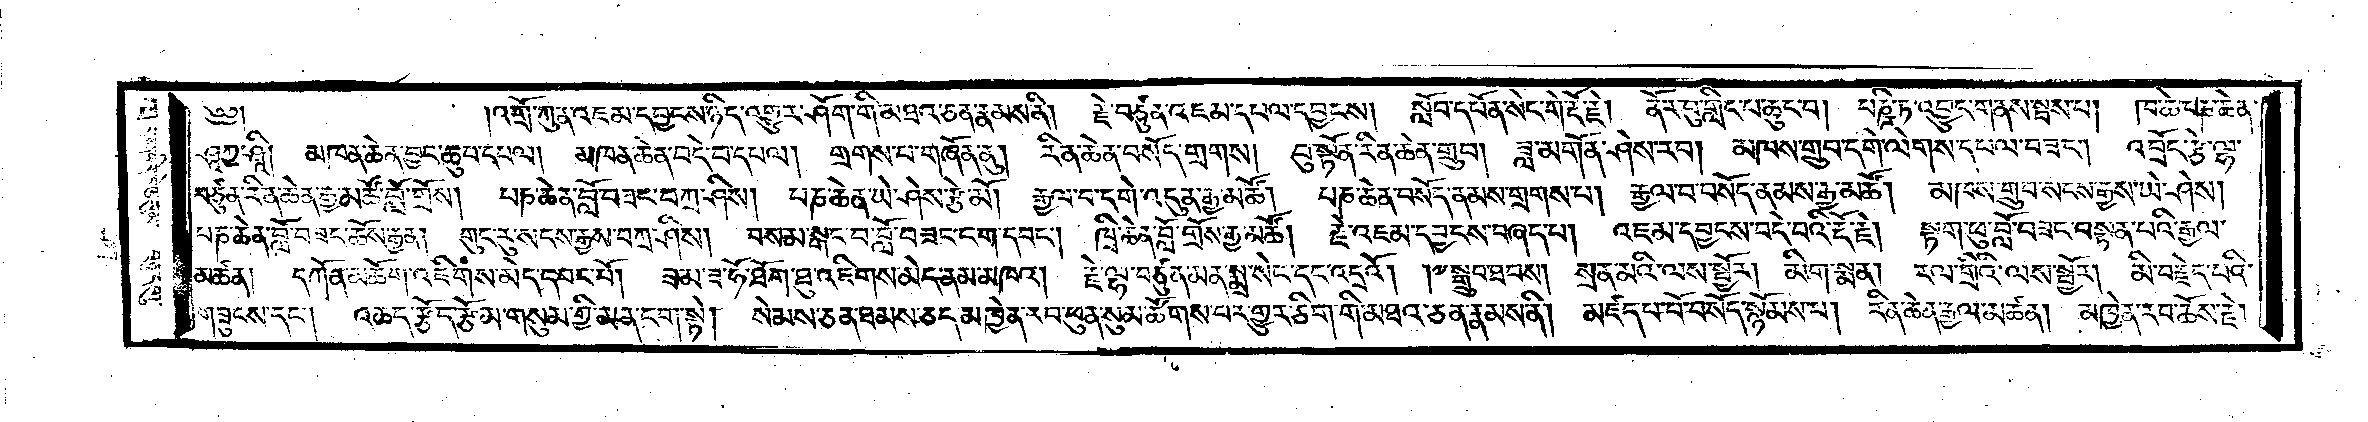༄༅། །འགྲོ་ཀུན་འཇམ་དབྱངས་ཉིད་འགྱུར་ཤོག་གི་མཐའ་ཅན་རྣམས་ནི། རྗེ་བཙུན་འཇམ་དཔལ་དབྱངས། སློབ་དཔོན་སེང་གེ་རྡོ་རྗེ། ནོར་བུ་གླིང་པ་ཆུང་བ། པཎྜི་ཏ་འབྱུང་གནས་སྦས་པ། ཁ་ཆེ་པཎ་ཆེན་
ཤཱཀྱ་ཤྲཱི། མཁན་ཆེན་བྱང་ཆུབ་དཔལ། མཁན་ཆེན་བདེ་བ་དཔལ། གྲགས་པ་གཞོན་ནུ། རིན་ཆེན་བསོད་གྲགས། བུ་སྟོན་རིན་ཆེན་གྲུབ། ཟླ་མགོན་ཤེས་རབ། མཁས་གྲུབ་དགེ་ལེགས་དཔལ་བཟང་། འབྲོང་རྩེ་ལྷ་
བཙུན་རིན་ཆེན་རྒྱ་མཚོ་བློ་གྲོས། པཎ་ཆེན་བློ་བཟང་བཀྲ་ཤིས། པཎ་ཆེན་ཡེ་ཤེས་རྩེ་མོ། རྒྱལ་བ་དགེ་འདུན་རྒྱ་མཚོ། པཎ་ཆེན་བསོད་ནམས་གྲགས་པ། རྒྱལ་བ་བསོད་ནམས་རྒྱ་མཚོ། མཁས་གྲུབ་སངས་རྒྱས་ཡེ་ཤེས།
པཎ་ཆེན་བློ་བཟང་ཆོས་རྒྱན༑ གུང་རུ་སངས་རྒྱས་བཀྲ་ཤིས། བསམ་སྒང་བ་བློ་བཟང་ངག་དབང་། ཁྲི་ཆེན་བློ་གྲོས་རྒྱ་མཚོ། རྗེ་འཇམ་དབྱངས་བཞད་པ། འཇམ་དབྱངས་བདེ་བའི་རྡོ་རྗེ། སྟག་ཕུ་བློ་བཟང་བསྟན་པའི་རྒྱལ་
མཚན། དཀོན་མཆོག་འཇིགས་མེད་དབང་པོ། ཟམ་ཟ་ཧོ་ཐོག་ཐུ་འཇིགས་མེད་ནམ་མཁའ། རྗེ་ལྷ་བཙུན་མན་སྨྲ་སེང་དང་འདྲའོ། །༧སྒྲུབ་ཐབས། སྲན་མའི་ལས་སྦྱོར། མིག་སྨན། རལ་གྲིའི་ལས་སྦྱོར། མི་བརྗེད་པའི་
གཟུངས་དང་། འཆད་རྩོད་རྩོམ་གསུམ་གྱི་མན་ངག་སྟེ། སེམས་ཅན་ཐམས་ཅད་མཁྱེན་རབ་ཕུན་སུམ་ཚོགས་པར་གྱུར་ཅིག་གི་མཐའ་ཅན་རྣམས་ནི། མཛད་པ་པོ་བསོད་སྙོམས་པ། རིན་ཆེན་རྒྱལ་མཚན། མཁྱེན་རབ་ཆོས་རྗེ།